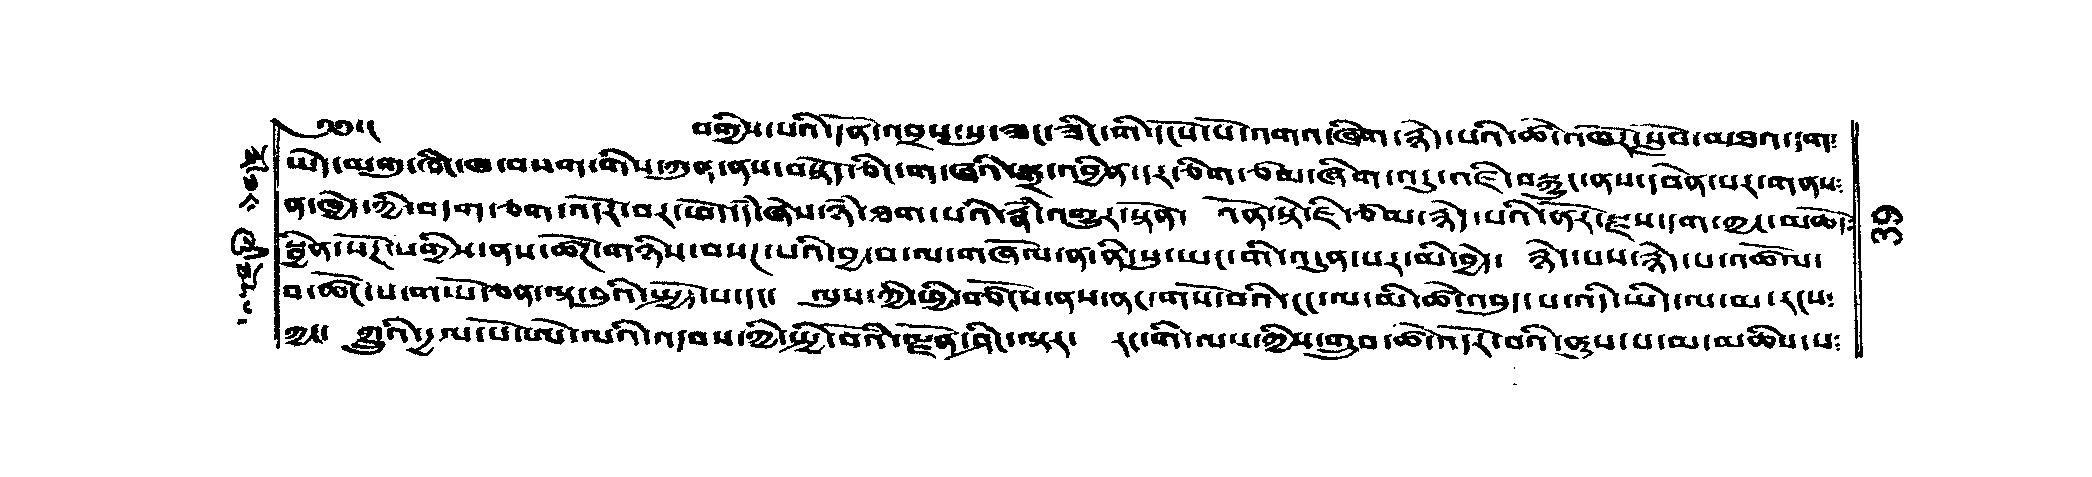བགྱིས་པའི་དོན་འབྲས་སུ་ཟང་ཟིང་གི་དངོས་པོ་འགའ་ཞིག་རྙེད་པའི་ཚེ་འཁོར་སློབ་མཐའ་དག་
ཡིད་མགུ་ཞིང་ཁ་བསག་གིས་ཀུན་ནས་བསྟོད་ཅིང་ག་ཞའི་སྒྲ་འབྱིན། དར་ཅིག་ཙམ་ཞིག་འདུ་འཛི་བསྐྱུངས་ནས་དབེན་པར་གནས་
ན་ཁྱེད་ཀྱིས་བདག་ཅག་འདོར་བར་ཕོད་དམ་ཞེས་ཉམ་ཐག་པའི་རྣམ་འགྱུར་སྟོན། འོན་ཏེ་ཇི་ཙམ་རྙེད་པའི་ནོར་རྫས་དག་ཀྱང་མཆོད་
སྦྱིན་སོགས་བགྱིས་ནས་ཚོགས་གཉིས་བསོག་པའི་བྱ་བ་ལ་གཞོལ་ན་ནི་སུ་གང་གིས་འདུན་པར་མི་བྱེད། རྙེད་པས་རྙེད་པ་འཚོལ་
བ་ཚོང་པ་གཡོ་ཅན་ལྟ་བུའི་སྤྱོད་པ་དང་། ལུས་ཀྱི་ཕྱི་བཙོངས་ནས་ནང་གསོ་བའི་ངང་ལ་མི་ཚེ་འབུད་པ་འདི་ཡིད་ལ་མ་རངས་
ཀྱང་། ཀླུའི་རྒྱལ་པོ་ཨེ་ལའི་འདབས་ཀྱི་སྤྱི་བོའི་ལྗོན་ཤིང་ལྟར། རང་གི་ལས་ཀྱིས་གྲུབ་ཚེ་འདོར་བའི་ནུས་པ་མ་མཆིས་པ་